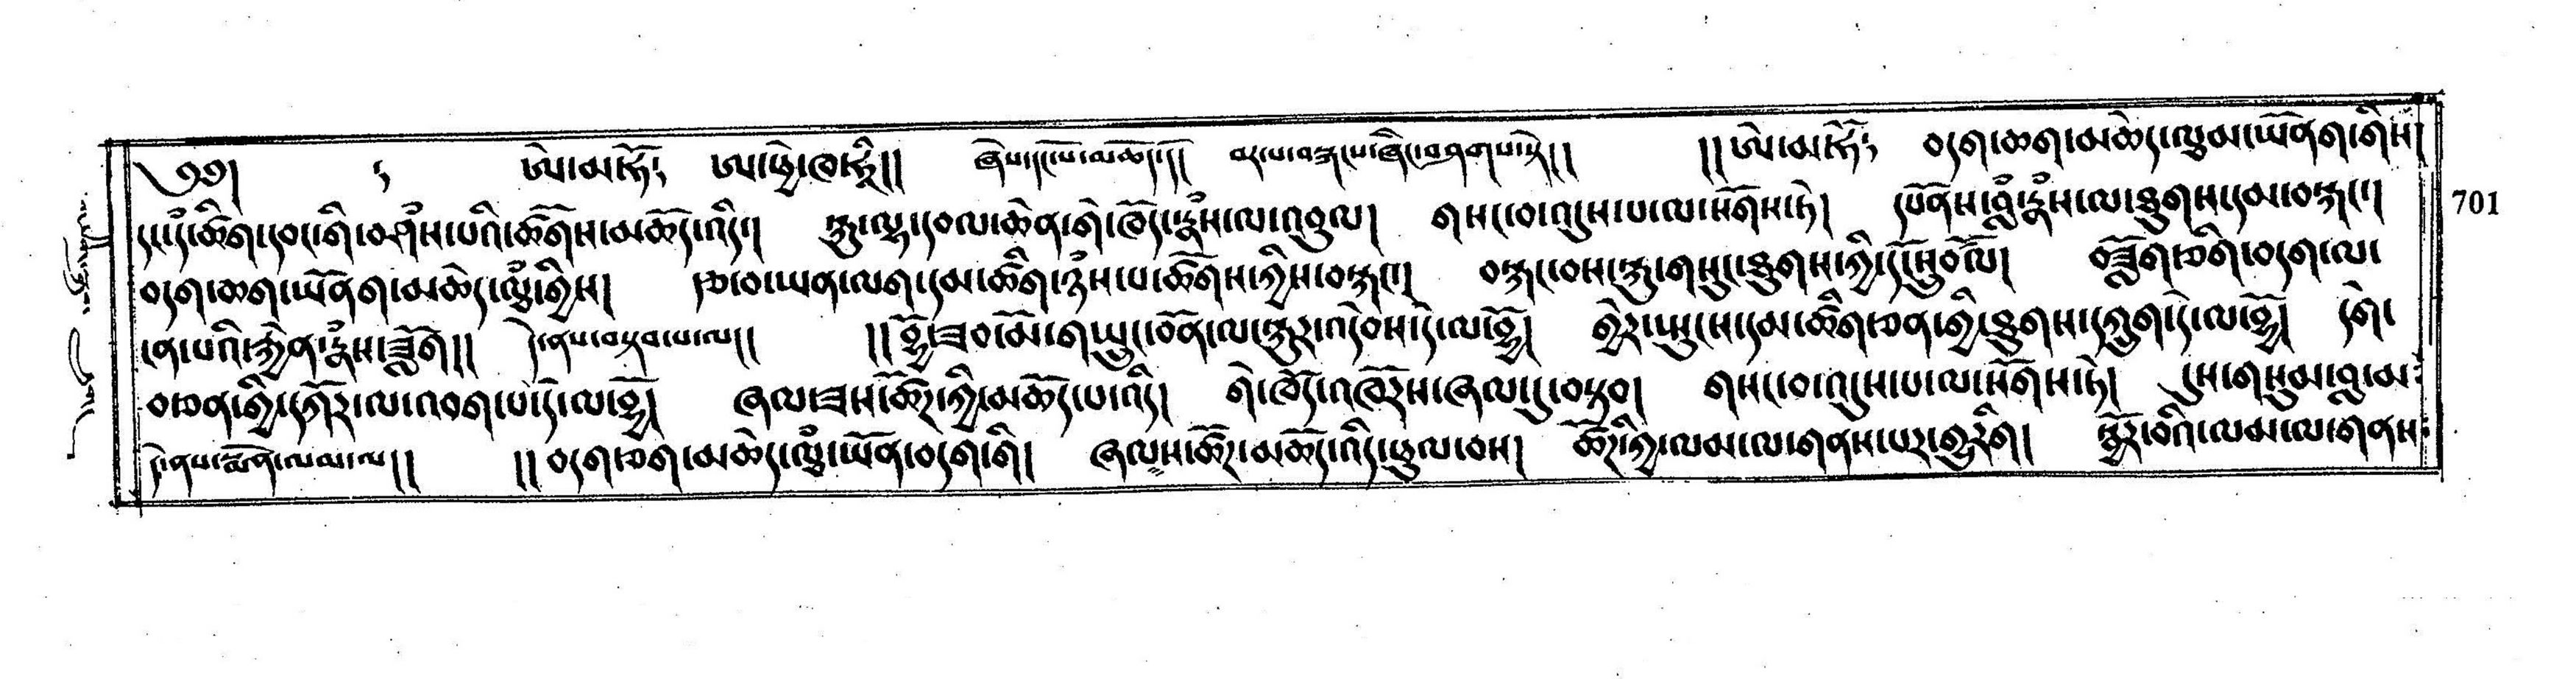ཨེ་མ་ཧོ ཨ་ཕྱེ་ཁ་ཧཱི།། ཞེས་དང་པོ་མཆོད་དོ། བར་པ་བསྐངས་ཞིང་བཤགས་སྟེ།། །།ཨེ་མ་ཧོ བདག་ཅག་མཆེད་ལྕམ་ཡོན་བདག་གིས། 
དམ་ཚིག་དབང་གིས་བཤམས་པའི་ཚོགས་མཆོད་འདི། སྐུ་ལྷ་དབལ་ཆེན་གེ་ཁོད་རྣམས་ལ་འབུལ། གསང་བ་འདུས་པ་ལ་སོགས་ཏེ། དཔོན་གསས་བླ་མ་རྣམས་ལ་ཐུགས་དམ་བསྐང་། 
བདག་ཅག་ཡོན་བདག་མཆེད་ལྕམ་གྱིས། རྩ་བ་ཡན་ལག་དམ་ཚིག་ཉམས་པ་ཚོགས་ཀྱིས་བསྐང་། བསྐང་བས་སྐུ་གསུང་ཐུགས་ཀྱི་དངོས་གྲུབ་སྩོལ། བཟློག་ཅིག་བདག་ལ་
ངན་པའི་རྐྱེན་རྣམས་ཟློག།། དེ་ནས་བསྟབ་པ་ལ།། །།བྷྱོ་ཟབ་མོ་གཡུང་དྲུང་བོན་ལ་སྐུར་འདེབས་དེ་ལ་བྷྱོ། གྱེར་སྤུངས་དམ་ཚིག་ཅན་གྱི་ཐུགས་དཀྲུག་དེ་ལ་བྷྱོ། དགེ་
བ་ཅན་གྱི་དཀོར་ལ་འབག་པ་དོ་ལ་བྷྱོ། ཞལ་ཟས་ཚོགས་ཀྱི་མཆོད་པ་འདི། གེ་ཁོད་འཁོར་བཅས་ཞལ་དུ་བསྟབ། གསང་བ་འདུས་པ་ལ་སོགས་ཏེ། དུས་གསུམ་བླ་མ༴ 
དེ་ནས་སྨོན་ལམ་ལ།། །།བདག་ཅག་མཆེད་ལྕམ་ཡོན་བདག་གི ཞལ་ཟས་ཚོགས་མཆོད་འདི་ཕུལ་བས། ཚོགས་ཀྱི་ལམ་ལ་གནས་པར་གྱུར་ཅིག སྦྱོར་བའི་ལམ་ལ་གནས་